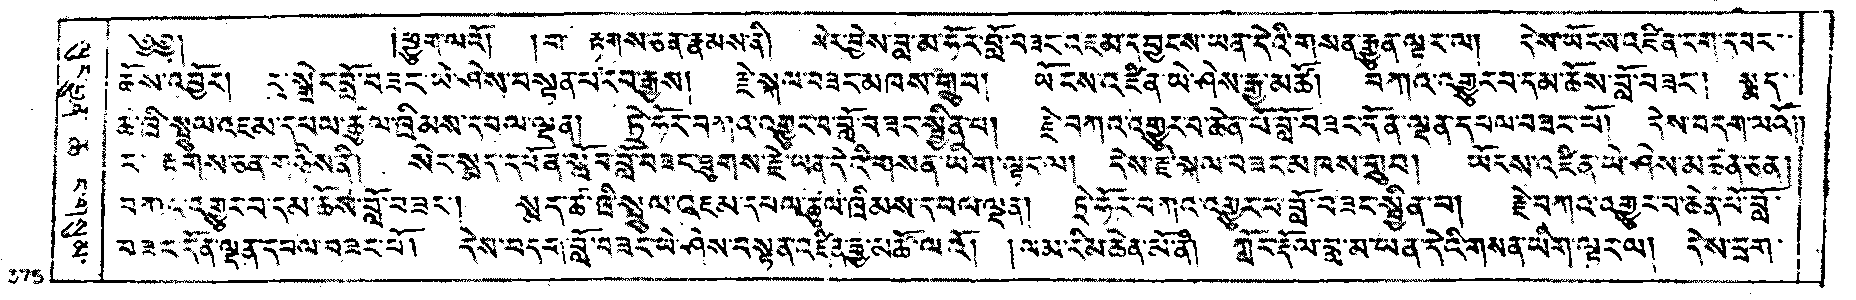༄༅། །ཕྱུག་ལའོ། །ག་རྟགས་ཅན་རྣམས་ནི། སེར་བྱེས་བླ་མ་ཧོར་བློ་བཟང་འཇམ་དབྱངས་ཡན་དེའི་གསན་རྒྱུན་ལྟར་ལ། དེས་ཡོངས་འཛིན་ངག་དབང་
ཆོས་འབྱོར། རྭ་སྒྲེང་བློ་བཟང་ཡེ་ཤེས་བསྟན་པ་རབ་རྒྱས། རྗེ་སྐལ་བཟང་མཁས་གྲུབ། ཡོངས་འཛིན་ཡེ་ཤེས་རྒྱ་མཚོ། བཀའ་འགྱུར་བ་དམ་ཆོས་བློ་བཟང་། སྨད་
ཚ་ཁྲི་སྤྲུལ་འཇམ་དཔལ་ཚུལ་ཁྲིམས་དཔལ་ལྡན། ཏྲེ་ཧོར་བཀའ་འགྱུར་བ་བློ་བཟང་སྦྱིན་པ། རྗེ་བཀའ་འགྱུར་བ་ཆེན་པོ་བློ་བཟང་དོན་ལྡན་དཔལ་བཟང་པོ། དེས་བདག་ལའོ། །
ང་རྟགས་ཅན་གཉིས་ནི། སེར་སྨད་དཔོན་སློབ་བློ་བཟང་ཐུགས་རྗེ་ཡན་དེའི་གསན་ཡིག་ལྟར་ལ། དེས་རྗེ་སྐལ་བཟང་མཁས་གྲུབ། ཡོངས་འཛིན་ཡེ་ཤེས་མཚན་ཅན།
བཀའ་འགྱུར་བ་དམ་ཆོས་བློ་བཟང་། སྨད་ཚ་ཁྲི་སྤྲུལ་འཇམ་དཔལ་ཚུལ་ཁྲིམས་དཔལ་ལྡན། ཏྲེ་ཧོར་བཀའ་འགྱུར་བ་བློ་བཟང་སྦྱིན་པ། རྗེ་བཀའ་འགྱུར་བ་ཆེན་པོ་བློ་
བཟང་དོན་ལྡན་དཔལ་བཟང་པོ། དེས་བདག་བློ་བཟང་ཡེ་ཤེས་བསྟན་འཛིན་རྒྱ་མཚོ་ལའོ། །ལམ་རིམ་ཆེན་མོ་ནི། ཀློང་རྡོརལ་བླ་མ་ཡན་དེའི་གསན་ཡིག་ལྟར་ལ། དེས་བྲག་